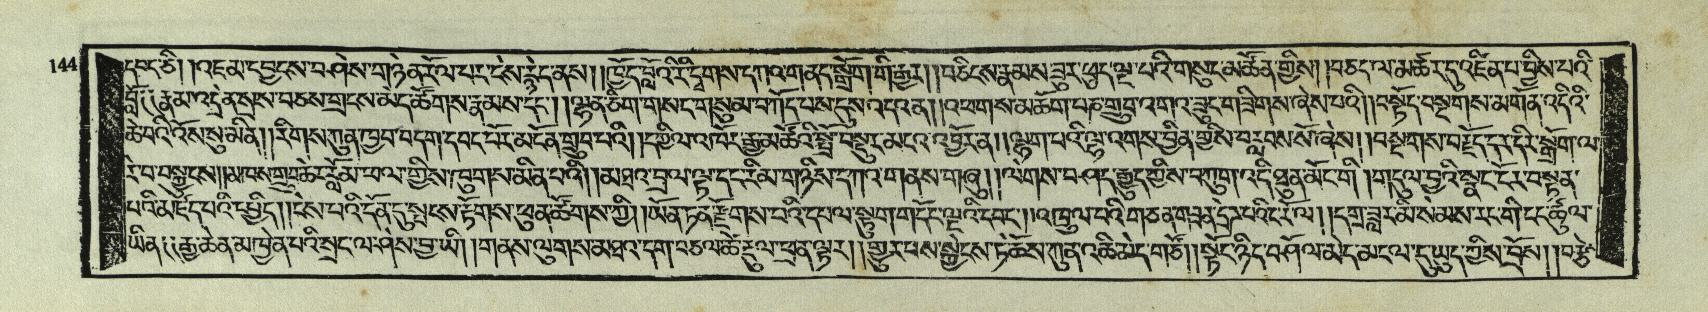དབང་ཅི། །འཇམ་དབྱངས་བཤེས་གཉེན་རོལ་པར་ངེས་རྙེད་ནས། །ཁྱོད་བློའི་རི་དྭགས་དཀའ་གནད་སྒྲོག་གི་རྒྱར། །བཅིངས་རྣམས་ཟུར་ཕུད་ལྔ་པའི་གསུང་མཚོན་གྱིས། །བཅད་ལ་མཚར་དུ་འཛིན་པ་བྱིས་པའི་
བློ༑ ༑རྣམ་འདྲེན་སྲས་བཅས་གྲངས་མེད་ཚོགས་རྣམས་དང་། །ལྷན་ཅིག་གསང་གསུམ་བཀོད་པས་དུས་འདའ་ན། །འཕགས་མཆོག་པཎ་གྲུབ་འགའ་ཟུང་གཟིགས་ཞེས་པའི། །བསྟོད་བསྔགས་མགོན་འདིའི་
ཆེ་བའི་འོས་སུ་མིན། །རིགས་ཀུན་ཁྱབ་བདག་དབང་པོར་མངོན་གྲུབ་པའི། །དཀྱིལ་འཁོར་རྒྱ་མཚོའི་སྤྲོ་བསྡུར་མངའ་འབྱོར་ན། །ལྷག་པའི་ལྷ་འགས་བྱིན་གྱིས་བརླབས་སོ་ཞེས། །བསྔགས་བརྗོད་དར་དིར་སྒྲོག་ལ་
རེ་བ་བསྐྱུངས། །མཁས་གྲུབ་ཆེར་རློམ་ཕལ་གྱིས་ཁུགས་མིན་པའི། །མཐའ་བྲལ་ལྟ་དང་རིམ་གཉིས་དཀའ་གནས་གཞུ། །ལེགས་བཤད་རྒྱུད་ཀྱིས་བཀུག་འདི་ཐུན་མོང་གི །གདུལ་བྱའི་སྣང་ངོར་བསྟན་
པའི་མཛད་པའི་དཔྱིད། །ངེས་པའི་དོན་དུ་སྤངས་རྟོགས་ཕུན་ཚོགས་ཀྱི། །ཡོན་ཏན་རྫོགས་པའི་དཔལ་སྟུག་གདོང་ལྔའི་དབང་། །འཁྲུལ་པའི་གཅན་གཟན་དྲེཌ་པའི་ང་རོ་ལ། །དགྲ་ཟླར་མི་སེམས་རང་གི་ངང་ཚུལ་
ཡིན༑ ༑རྒྱ་ཆེན་མཁྱེན་པའི་སྲང་ལ་ཤེས་བྱ་ཡི། །གནས་ལུགས་མཐའ་དག་བཅལ་ཚེ་རྡུལ་ཕྲན་ལྟར། །གྱུར་པས་སྐྱེངས་ཏེ་ཆོས་ཀུན་འཆི་མེད་གཙོ། །སྟོང་ཉིད་བཤོལ་མེད་མངལ་དུ་ཡུད་ཀྱིས་བྲོས། །བརྩེ་